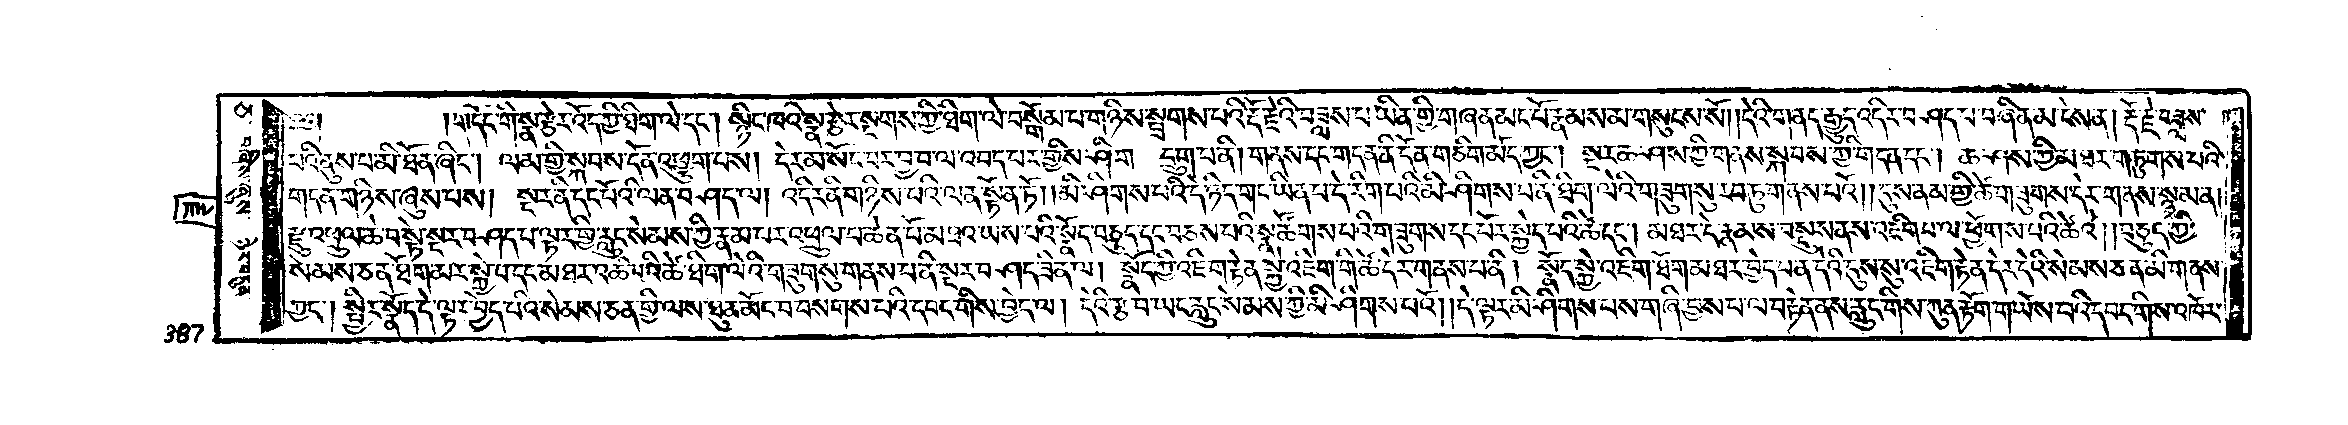༄༅། །གདོང་གི་སྣ་རྩེར་འོད་ཀྱི་ཐིག་ལེ་དང་། སྙིང་ཁའི་སྣ་རྩེར་སྔགས་ཀྱི་ཐིག་ལེ་བསྒོམ་པ་གཉིས་སྦྲགས་པའི་རྡོ་རྗེའི་བཟླས་པ་ཡིན་གྱི་གཞན་མང་པོ་རྣམས་མ་གསུངས་སོ། །དེའི་གནད་རྒྱུད་འདིར་བཤད་པ་བཞིན་མ་ངེས་ན། རྡོ་རྗེ་བཟླས་
པའི་ནུས་པ་མི་ཐོན་ཞིང་། ལམ་གྱི་སྐབས་དོན་འཕྱུག་པས། དེར་མ་སོང་བར་བྱ་བ་ལ་འབད་པར་གྱིས་ཤིག །དྲུག་པ་ནི། གནས་དང་གདན་ནི་དོན་གཅིག་མོད་ཀྱང་། སྔར་ཆ་ཤས་ཀྱི་གནས་སྐབས་ཀྱི་གདན་དང་། ཆ་ཤས་ཀྱི་མཐར་གཏུགས་པའི་
གདན་གཉིས་ཞུས་པས། སྔར་ནི་དང་པོའི་ལན་བཤད་ལ། འདིར་ནི་གཉིས་པའི་ལན་སྟོན་ཏོ། །མི་ཤིགས་པའི་དེ་ཉིད་གང་ཡིན་པ་དེ་རིག་པའི་མི་ཤིགས་པ་ནི་ཐིག་ལེའི་གཟུགས་སུ་རབ་ཏུ་གནས་པའོ། །དུས་ནམ་གྱི་ཚེ་གཟུགས་དེར་གནས་སྙམ་ན།
རྫུ་འཕྲུལ་ཆེ་བ་སྟེ་སྔར་བཤད་པ་ལྟར་གྱི་རླུང་སེམས་ཀྱི་རྣམ་པར་འཕྲུལ་པ་ཆེན་པོ་མཐའ་ཡས་པའི་སྣོད་བཅུད་དང་བཅས་པའི་སྣ་ཚོགས་པའི་གཟུགས་དང་པོར་སྐྱེད་པའི་ཚེ་དང་། མཐར་དེ་རྣམས་བསྡུས་ནས་འཇིག་པ་ལ་ཕྱོགས་པའི་ཚེའོ། །བཅུད་ཀྱི་
སེམས་ཅན་ཐོག་མར་སྐྱེ་བ་དང་མཐར་འཆི་བའི་ཚེ་ཐིག་ལེའི་གཟུགས་སུ་གནས་པ་ནི་སྔར་བཤད་ཟིན་ལ། སྣོད་ཀྱི་འཇིག་རྟེན་སྐྱེ་འཇིག་གི་ཚེ་དེར་གནས་པ་ནི། སྣོད་སྐྱེ་འཇིག་ཐོག་མཐར་བྱེད་པ་ན་དེའི་དུས་སུ་འཇིག་རྟེན་དེར་དེའི་སེམས་ཅན་མི་གནས་
ཀྱང་། སྤྱིར་སྣོད་དེ་ལྟར་བྱེད་པའི་སེམས་ཅན་གྱི་ལས་ཐུན་མོང་བ་བསགས་པའི་དབང་གིས་བྱེད་ལ། དེའི་རྩ་བ་ཡང་རླུང་སེམས་ཀྱི་མི་ཤིགས་པའོ། །དེ་ལྟར་མི་ཤིགས་པས་གཞི་བྱས་པ་ལ་བརྟེན་ནས་རླུང་གིས་ཀུན་རྟོག་གཡོས་པའི་དབང་གིས་འཁོར་